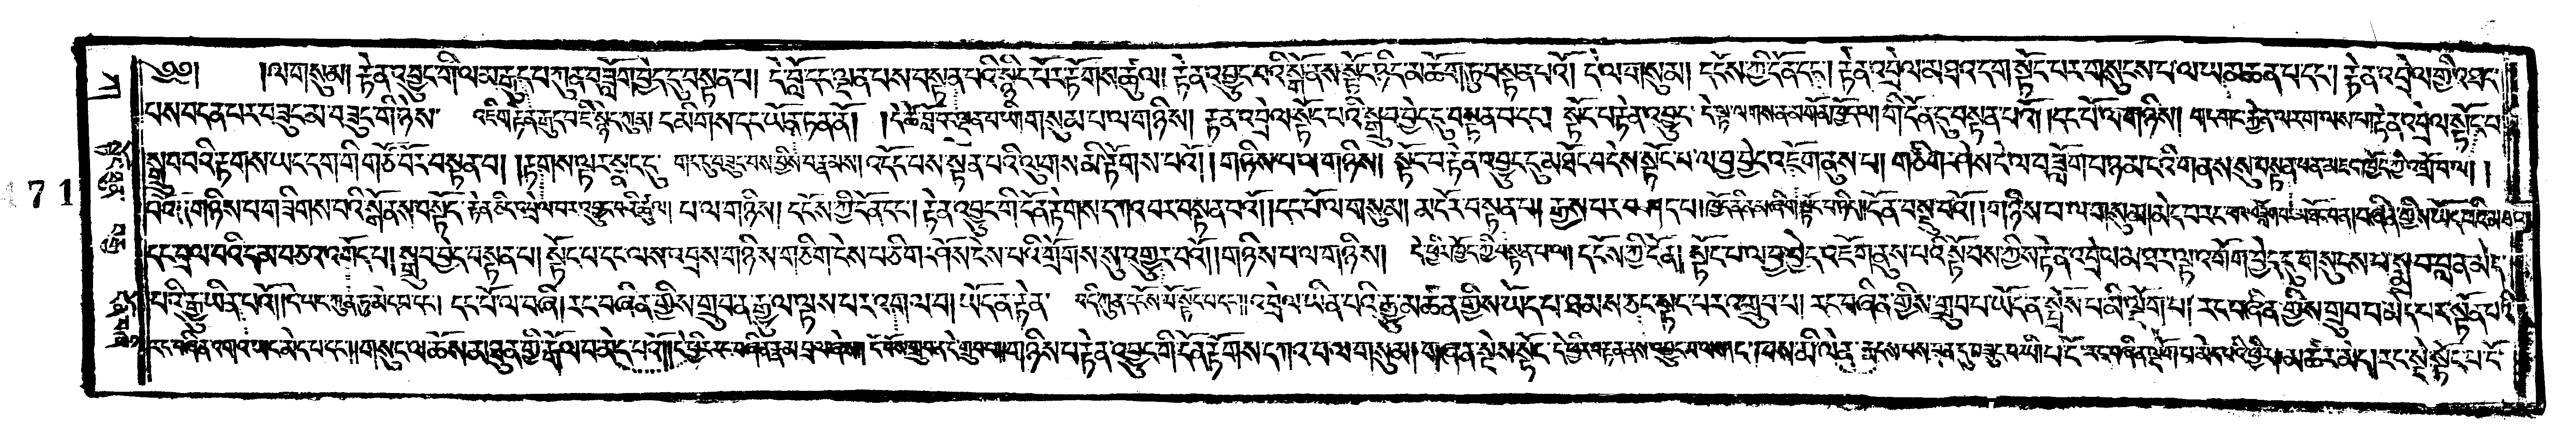༄༅། །ལ་གསུམ། རྟེན་འབྱུང་གི་ལམ་རྒུད་པ་ཀུན་བཟློག་བྱེད་དུ་བསྟན་པ། དེ་བློ་དང་ལྡན་པས་བསྟན་པའི་སྙིང་པོར་རྟོགས་ཚུལ། རྟེན་འབྱུང་བའི་སྒོ་ནས་སྟོང་ཉིད་མཆོག་ཏུ་བསྟན་པའོ། དེ་ལ་གསུམ། དངོས་ཀྱི་དོན་དང་། རྟེན་འབྲེལ་མཐའ་དག་སྟོང་བར་གསུངས་པ་ལ་ཡ་མཆན་པ་དང་། རྟེན་འབྲེལ་གྱི་འཐད་
པས་བདེན་པར་བཟུང་མ་བཟུང་གི་ཉེས་འཇིག་རྟེན་རྒུད་པ་ཇི་སྙེད་ཀུན།  དམིགས་དང་ཡོན་ཏན་ནོ། །དེ་ཚེ་བློ་དང་ལྡན་པ་ཡི།  གསུམ་པ་ལ་གཉིས། རྟེན་འབྲེལ་སྟོང་པའི་སྒྲུབ་བྱེད་དུ་བསྟན་པ་དང་། སྟོང་པ་རྟེན་འབྱུང་དེ་ལྟ་ལགས་ན་མགོན་ཁྱོད་ལ།  གི་དོན་དུ་བསྟན་པའོ། །དང་པོ་ལ་གཉིས། གང་གང་རྐྱེན་ལ་རག་ལས་བ།  རྟེན་འབྲེལ་སྟོང་བ་
སྒྲུབ་བའི་རྟགས་ཡང་དག་གི་གཙོ་བོར་བསྟན་བ། །རྟགས་ལྟར་སྣང་དུ་གང་དུ་བཟུང་བས་བྱིས་བ་རྣམས།  འདོད་བས་སྟོན་པའི་ལུགས་མི་རྟོགས་པའོ། །གཉིས་པ་ལ་གཉིས། སྟོང་བ་རྟེན་འབྱུང་དུ་མཐོང་བ་དེས་སྟོང་པ་ལ་བྱ་བྱེད་འཇོག་ནུས་པ། གཅིག་ཤེས་དེ་ལ་བཟློག་པ་ཉམ་ངའི་གནས་སུ་བསྟན་ཕན་མཐང་ཁྱོད་ཀྱི་འགྲོ་བ་ལ། །
པའོ༑ ༑གཉིས་པ་གཟིགས་པའི་སྒོ་ནས་བསྟོད་རྟེན་ཅིང་འབྲེལ་པར་འབྱུང་བའི་ཚུལ།  པ་ལ་གཉིས། དངོས་ཀྱི་དོན་དང་། རྟེན་འབྱུང་གི་དོན་རྟེགས་དཀའ་བར་བསྟན་པའོ། །དང་པོ་ལ་གསུམ། མདོར་བསྟན་པ། རྒྱས་པར་བཤད་པ། ཁྱོད་ནི་ནམ་ཞིག་སྟོང་བ་ཉིད།  །དོན་བསྡུ་བའོ། །གཉིས་པ་ལ་གསུམ་མེད་པ་རང་ངལ་བ་མཐོང་?་བ་ནི་བཞིན་གྱིས་ཡོད་བའི་མཐལ་
དང་བྲལ་བའི་དམ་བཅའ་འགོད་པ། སྒྲུབ་བྱེད་བསྟན་པ། སྟོང་པ་དང་ལས་འབྲས་གཉིས་གཅིག་ངེས་པ་ཅིག་ཤོས་ངེས་པའི་གྲོགས་སུ་འགྱུར་བའོ། །གཉིས་པ་ལ་གཉིས། དེ་ཕྱིར་ཁྱོད་ཀྱི་བསྟན་པ་ལ།  དངོས་ཀྱི་དོན། སྟོང་པ་ལ་བྱ་བྱེད་འཇོག་ནུས་པའི་སྟོབས་ཀྱིས་རྟེན་འབྲེལ་མཐར་ལྟ་འགོག་བྱད་དུ་གསུངས་པ་སྨྲ་བ་བླ་ན་མེད་
པའི་རྒྱུ་ཡིན་པའོ། །དེ་ཡང་ཀུན་ཏུ་མེད་བ་དང་།  དང་པོ་ལ་བཞི། རང་བཞིན་གྱིས་གྲུབ་ན་རྒྱུ་ལ་ལྟས་པར་འགལ་བ། ཡོད་ན་རྟེན་འདི་ཀུན་དངོས་པོ་སྟོང་པ་དང་།  །འབྲེལ་ཡིན་པའི་རྒྱུ་མཚན་གྱིས་ཡོད་པ་ཐམས་ཅད་སྟོང་པར་འགྲུབ་པ། རང་བཞིན་གྱིས་གྲུབ་པ་ཡོད་ན་སྤྲོས་པ་མི་ལྡོག་པ། རང་བཞིན་གྱིས་གྲུབ་པ་མེད་པར་སྟོན་པའི་
རང་བཞིན་འགའ་ཡང་མེད་པ་དང་།  །གསུང་ལ་ཆོས་མཐུན་གྱི་རྒོལ་བ་མེད་པའོ། །དེ་ཕྱིར་རང་བཞིན་རྣམ་བྲལ་ཞེས། ངོ་བོས་གྲུབ་ན་དེ་གྲུབ་པ།  །གཉིས་པ་རྟེན་འབྱུང་གི་དོན་རྟོགས་དཀའ་བ་ལ་གསུམ། གཞན་སྤེས་སྟོང་དེ་ཕྱིར་བརྟན་ནས་འབྱུང་བ་ལས།  པ་ཁས་མི་ལེན་རྨངས་བས་བྲན་ནུ་བཟུང་བ་ཡི།  པ་ངོ་?་རང་བཞིན་ལྡོག་པ་མེད་བའི་ཕྱིར།  མཚར་མེད། རང་སྡེ་སྟོང་པ་བོ་